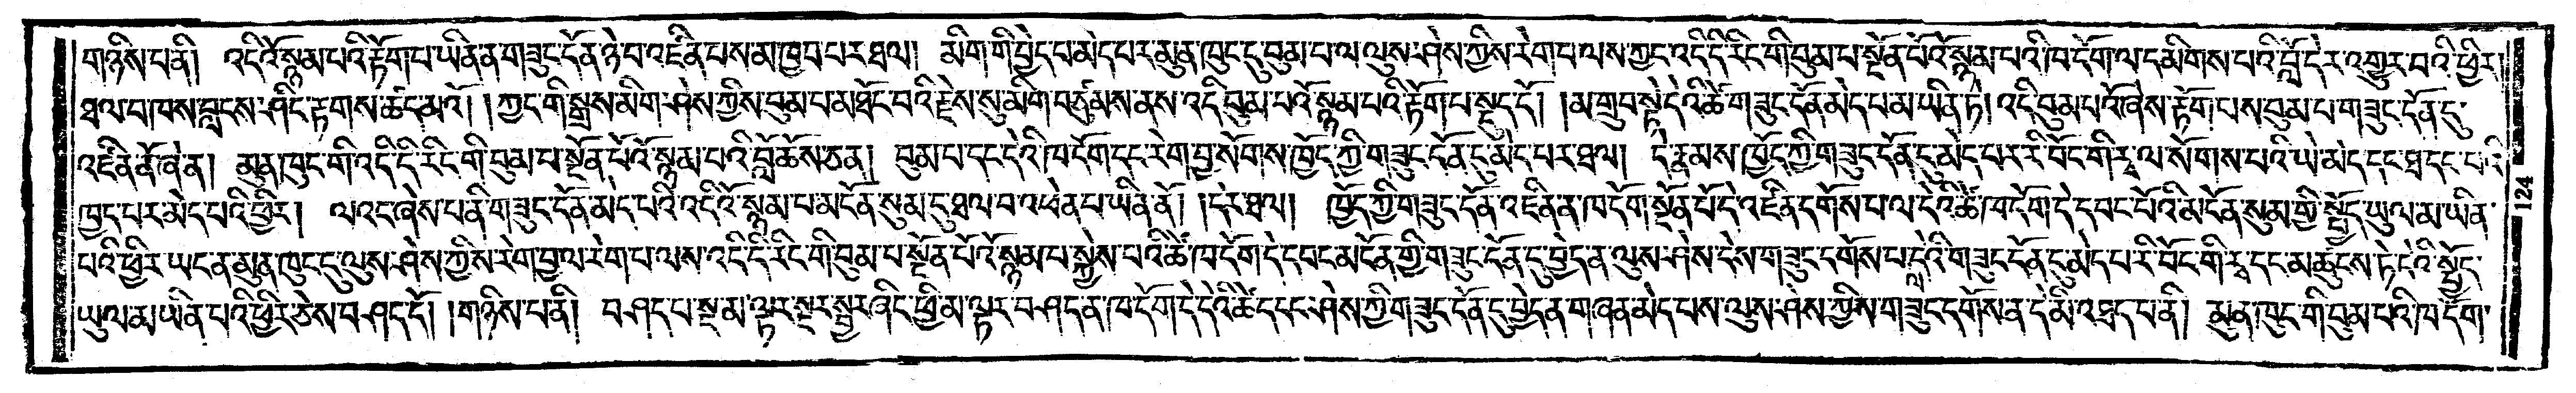གཉིས་པ་ནི། འདིའོ་སྙམ་པའི་རྟོག་པ་ཡིན་ན་གཟུང་དོན་ཉེ་བ་འཛིན་པས་མ་ཁྱབ་པར་ཐལ། མིག་གི་བྱེད་པ་མེད་པར་མུན་ཁུང་དུ་བུམ་པ་ལ་ལུས་ཤེས་ཀྱིས་རེག་པ་ལས་ཀྱང་འདི་དི་རིང་གི་བུམ་པ་སྔོན་པོའོ་སྙམ་པའི་ཁ་དོག་ལ་དམིགས་པའི་བློ་དེར་འགྱུར་བའི་ཕྱིར།
ཐལ་བ་ཁས་བླངས་ཤིང་རྟགས་ཚད་མའོ། །ཀྱང་གི་སྒྲས་མིག་ཤེས་ཀྱིས་བུམ་པ་མཐོང་བའི་རྗེས་སུ་མིག་བཙུམས་ནས་འདི་བུམ་པའོ་སྙམ་པའི་རྟོག་པ་སྡུད་དོ། །མ་གྲུབ་སྟེ་དེའི་ཚེ་གཟུང་དོན་མེད་པ་མ་ཡིན་ཏེ། འདི་བུམ་པའོ་ཞེས་རྟོག་པས་བུམ་པ་གཟུང་དོན་དུ་
འཛིན་ནོ་ཞེ་ན། མུན་ཁུང་གི་འདི་དི་རིང་གི་བུམ་པ་སྔོན་པོའོ་སྙམ་པའི་བློ་ཆོས་ཅན། བུམ་པ་དང་དེའི་ཁ་དོག་དང་རེག་བྱ་སོགས་ཁྱོད་ཀྱི་གཟུང་དོན་དུ་མེད་པར་ཐལ། དེ་རྣམས་ཁྱོད་ཀྱི་གཟུང་དོན་དུ་མེད་པར་རི་བོང་གི་རྭ་ལ་སོགས་པའི་ཡེ་མེད་དང་ཐ་དད་པའི་
ཁྱད་པར་མེད་པའི་ཕྱིར། ལའང་ཞེས་པ་ནི་གཟུང་དོན་མེད་པའི་འདིའོ་སྙམ་པ་མངོན་སུམ་དུ་ཐལ་བ་འཕེན་པ་ཡིན་ནོ། །དེར་ཐལ། ཁྱོད་ཀྱི་གཟུང་དོན་འཛིན་ན་ཁ་དོག་སྔོན་པོ་དེ་འཛིན་དགོས་པ་ལ་དེའི་ཚེ་ཁ་དོག་དེ་དབང་པོའི་མངོན་སུམ་གྱི་སྤྱོད་ཡུལ་མ་ཡིན་
པའི་ཕྱིར་ཡང་ན་མུན་ཁུང་དུ་ལུས་ཤེས་ཀྱིས་རེག་བྱ་ལ་རེག་པ་ལས་འདི་དི་རིང་གི་བུམ་པ་སྔོན་པོའོ་སྙམ་པ་སྐྱེས་པའི་ཚེ་ཁ་དོག་དེ་དབང་མངོན་གྱི་གཟུང་དོན་དུ་བྱེད་ན་ལུས་ཤེས་དེས་གཟུང་དགོས་པ་ལ་དེའི་གཟུང་དོན་དུ་མེད་པ་རི་བོང་གི་རྭ་དང་མཚུངས་ཏེ་དེའི་སྤྱོད་
ཡུལ་མ་ཡིན་པའི་ཕྱིར་ཅེས་བཤད་དོ། །གཉིས་པ་ནི། བཤད་པ་སྔ་མ་ལྟར་སྔར་སྦྱར་ཞིང་ཕྱི་མ་ལྟར་བཤད་ན་ཁ་དོག་དེའི་ཚེ་དབང་ཤེས་ཀྱི་གཟུང་དོན་དུ་བྱེད་ན་གཞན་མེད་པས་ལུས་ཤེས་ཀྱིས་ཡྒྯུང་དགོས་ན་དེ་མི་འཐད་པ་ནི། མུན་ཁུང་གི་བུམ་པའི་ཁ་དོག་